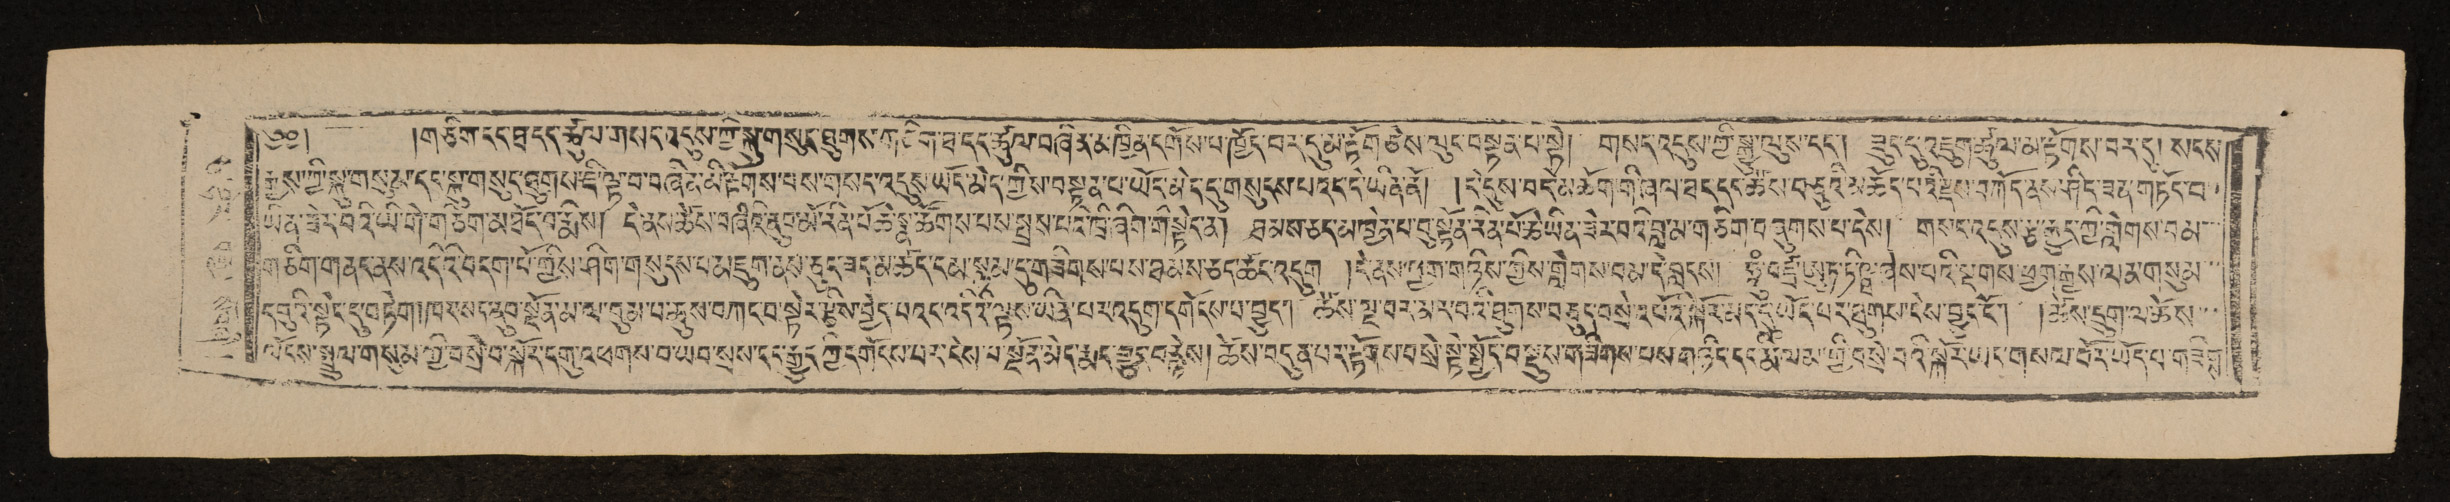༄༅། །གཅིག་དང་ཐ་དད་ཚུལ་གསང་འདུས་ཀྱི་སྐུ་གསུང་ཐུགས་གཅིག་ཐ་དད་ཚུལ་བཞིན་མཁྱེན་དགོས་པ་ཁྱོད་བར་དུ་མ་རྟོག་ཅེས་ལུང་བསྟན་པ་སྟེ། གསང་འདུས་ཀྱི་སྒྱུ་ལུས་དང་། ཟུང་དུ་འཇུག་ཚུལ་མ་རྟོགས་པར་དུ། སངས་
རྒྱས་ཀྱི་སྐུ་གསུམ་དང་སྐུ་གསུང་ཐུགས་ཇི་ལྟ་བ་བཞིན་མི་རྟོགས་བས་གསང་འདུས་ཡོད་མེད་ཀྱིས་བསྟན་པ་ཡོད་མེད་དུ་གསུངས་པའང་དེ་ཡིན་ནོ། །དེ་དུས་བདེ་མཆོག་གི་ཞལ་ཐང་དང་ཚེས་བཅུའི་མཆོད་པའི་རྫས་བཀོད་ནས་ཤིང་ཟན་གཏོང་བ་
ཡིན་ཟེར་བའི་ཡི་གེ་གཅིག་མཐོང་བ་རྨིས། དེ་ནས་ཚེས་བཞིའི་ནུབ་མོ་རིན་པོ་ཆེ་སྣ་ཚོགས་པས་སྤྲས་པའི་ཁྲི་ཞིག་གི་སྟེང་ན། ཐམས་ཅད་མཁྱེན་པ་བུ་སྟོན་རིན་པོ་ཆེ་ཡིན་ཟེར་བའི་བླ་མ་གཅིག་བཞུགས་པ་དེས། གསང་འདུས་རྩ་རྒྱུད་ཀྱི་གླེགས་བམ་
གཅིག་གནང་ནས་འདིའི་བདག་པོ་གྱིས་ཤིག་གསུངས་བ་མཇུག་ནས་ཅུང་ཟད་མ་ཚང་ངམ་སྙམ་དུ་གཟིགས་བས་ཐམས་ཅད་ཚང་འདུག །དེ་ནས་ཕྱག་གཉིས་ཀྱིས་གླེགས་བམ་དེ་བླངས། ཧཱུཾ་བཛྲ་ཨུཏ་ཏིཥྠ་ཞེས་པའི་སྔགས་ཕྱག་རྒྱས་ལན་གསུམ་
དབུའི་སྟེང་དུ་བཏེག །ཁར་སང་ནུབ་སྔོན་མ་ལ་བུམ་པ་ཆུས་བཀང་བ་སྟེར་རྩིས་བྱེད་པའང་འདིའི་ལྟས་ཡིན་པར་འདུག་དགོངས་པ་བྱུང་། ཚེས་ལྔ་བར་མར་པའི་ཐུགས་བཅུད་བསྲེ་འཕོའི་སྐོར་མང་དུ་ཡོད་པར་ཐུགས་ངེས་བྱུང་ངོ། །ཚེས་དྲུག་ལ་ཆོས་
ལོངས་སྤྲུལ་གསུམ་གྱི་བསྲེ་བ་སྐོར་དགུ་འཕགས་པ་ཡབ་སྲས་དང་རྒྱུད་ཀྱི་དགོངས་པར་ངེས་པ་སྔོན་མེད་རྨད་བྱུང་བརྙེས། ཚེས་བདུན་པར་རྟོགས་བསྲེ་སྟེ་སྤྱོད་བསྡུས་གཟིགས་པས་གཉིད་དང་རྨི་ལམ་གྱི་བསྲེ་བའི་སྐོར་ཡང་གསལ་བོར་ཡོད་པ་གཟིགས་